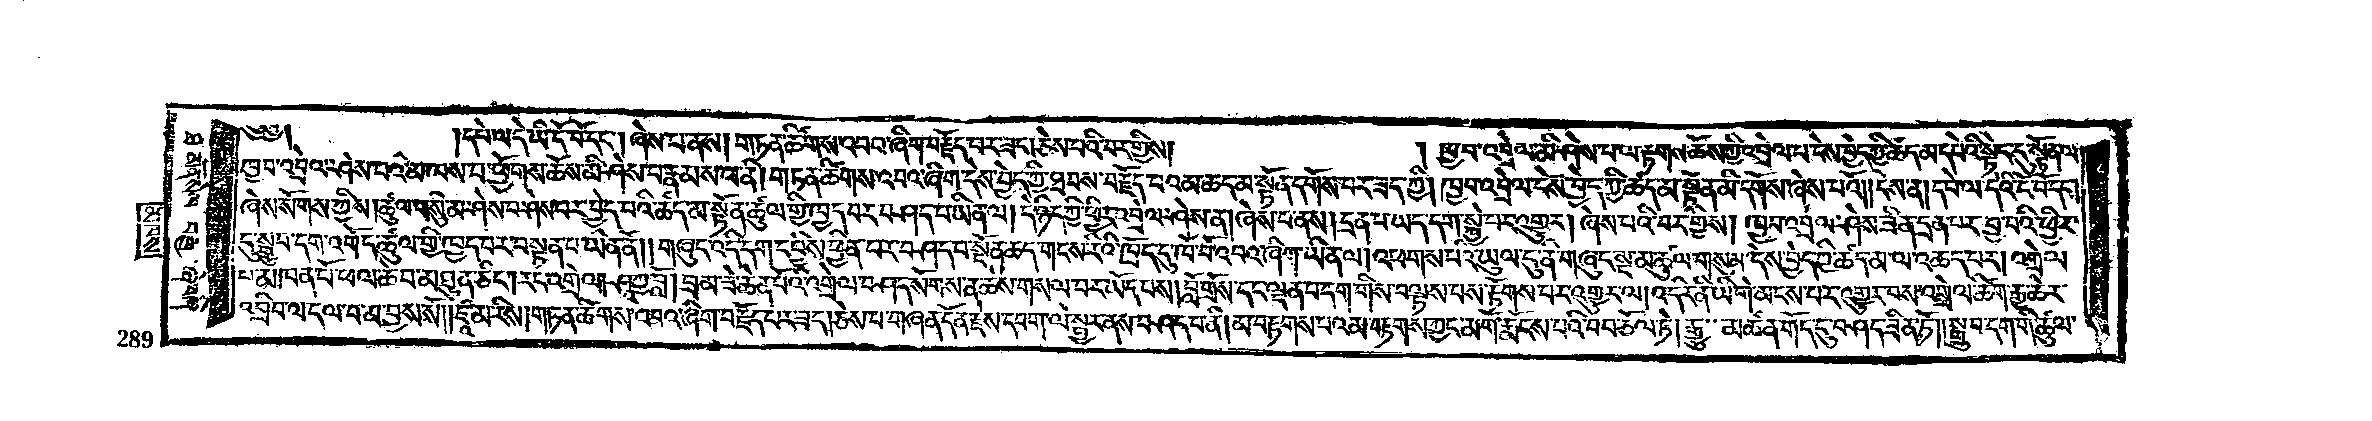༄༅། །དཔེ་ལ་དེ་ཡི་ངོ་བོ་དང་། ཞེས་པ་ནས། གཏན་ཚིགས་འབའ་ཞིག་བརྗོད་པར་ཟང་། ཅེས་པའི་བར་གྱིས། །ཁྱབ་འབྲེལ་མི་ཤེས་པ་ལ་རྟགས་ཆོས་ཀྱི་འབྲེལ་པ་ངེས་བྱེད་ཀྱི་ཚད་མ་དཔེའི་སྟེང་དུ་སྟོན་ལ་
ཁྱབ་འབྲེལ་ཤེས་པའི་མཁས་པ་ཕྱོགས་ཆོས་མི་ཤེས་པ་རྣམས་ལ་ནི། གཏན་ཚིགས་འབའ་ཞིག་དེས་བྱེད་ཀྱི་ཐབས་བརྗོད་པའམ་ཆད་མ་སྟོན་དགོས་པར་ཟད་ཀྱི། ཁྱབ་འབྲེལ་ངེས་བྱེད་ཀྱི་ཚད་མ་སྟོན་མི་དགོས་ཞེས་པའོ། །ངེས་ན། དཔེ་ལ་དེའི་ངོ་བོ་དང་།
ཞེས་སོགས་ཀྱིས། ཚུལ་གསུམ་ཤེས་པ་ཤེས་པར་བྱེད་པའི་ཚད་མ་སྟོན་ཚུལ་གྱི་ཁྱད་པར་བཤད་པ་ཡིན་ལ། དེ་ཉིད་ཀྱི་ཕྱིར་འབྲེལ་ཤེས་ན། ཞེས་པ་ནས། དྲན་པ་ཡང་དག་སྐྱེ་བར་འགྱུར། ཞེས་པའི་བར་གྱིས། ཁྱབ་འབྲེལ་ཤེས་ཟིན་དྲན་པར་བྱ་བའི་ཕྱིར་
དུ་སྒྲུབ་དག་འགོད་ཚུལ་གྱི་ཁྱད་པར་བསྟན་པ་ཡིན་ནོ། །གཞུང་འདི་དག་དཔྱིས་ཕྱིན་པར་བཤད་པ་སྔོན་ཆད་གངས་རིའི་ཁྲོད་དུ་ཁོ་བོ་འབའ་ཞིག་ཡིན་ལ། འཕགས་པའི་ཡུལ་དུ་ནི་གཞུང་སྔ་མ་ཚུལ་གསུམ་དེས་བྱེད་ཀྱི་ཚད་མ་ལ་འཆད་པར། འགྲེལ་
པ་མཁན་པོ་ཕལ་ཆེ་བ་མཐུན་ཅིང་། རང་འགྲེལ་།ཤཱ་ཀྱ་བློ། བྲམ་ཟེ་ཆེན་པོའི་འགྲེལ་བཤད་སོགས་ན་ཆེས་གསལ་བར་ཡོད་པས། བློ་གྲོས་དང་ལྡན་པ་དག་གིས་བལྟས་པས་རྟོགས་པར་འགྱུར་ལ། འདིར་ནི་ཡི་གེ་མངས་པར་འགྱུར་བས་འགྲེལ་ཚིག་རྒྱ་ཆེར་
འབྲིབ་ལ་ངལ་བ་མ་བྱས་སོ། །ཛཱ་མ་རིས། གཏན་ཚིགས་འབའ་ཞིག་བརྗོད་པར་ཟད། ཅེས་པ་གཞན་དོན་རྗེས་དཔག་ལ་སྦྱར་ནས་བཤད་པ་ནི། མ་བརྟགས་པའམ་བརྟགས་ཀྱང་མགོ་རྨོངས་པའི་བབ་ཅོལ་ཏེ། རྒྱུ་མཚན་གོང་དུ་བཤད་ཟིན་ཏོ། །སྒྲུབ་དག་གི་ཚུལ་